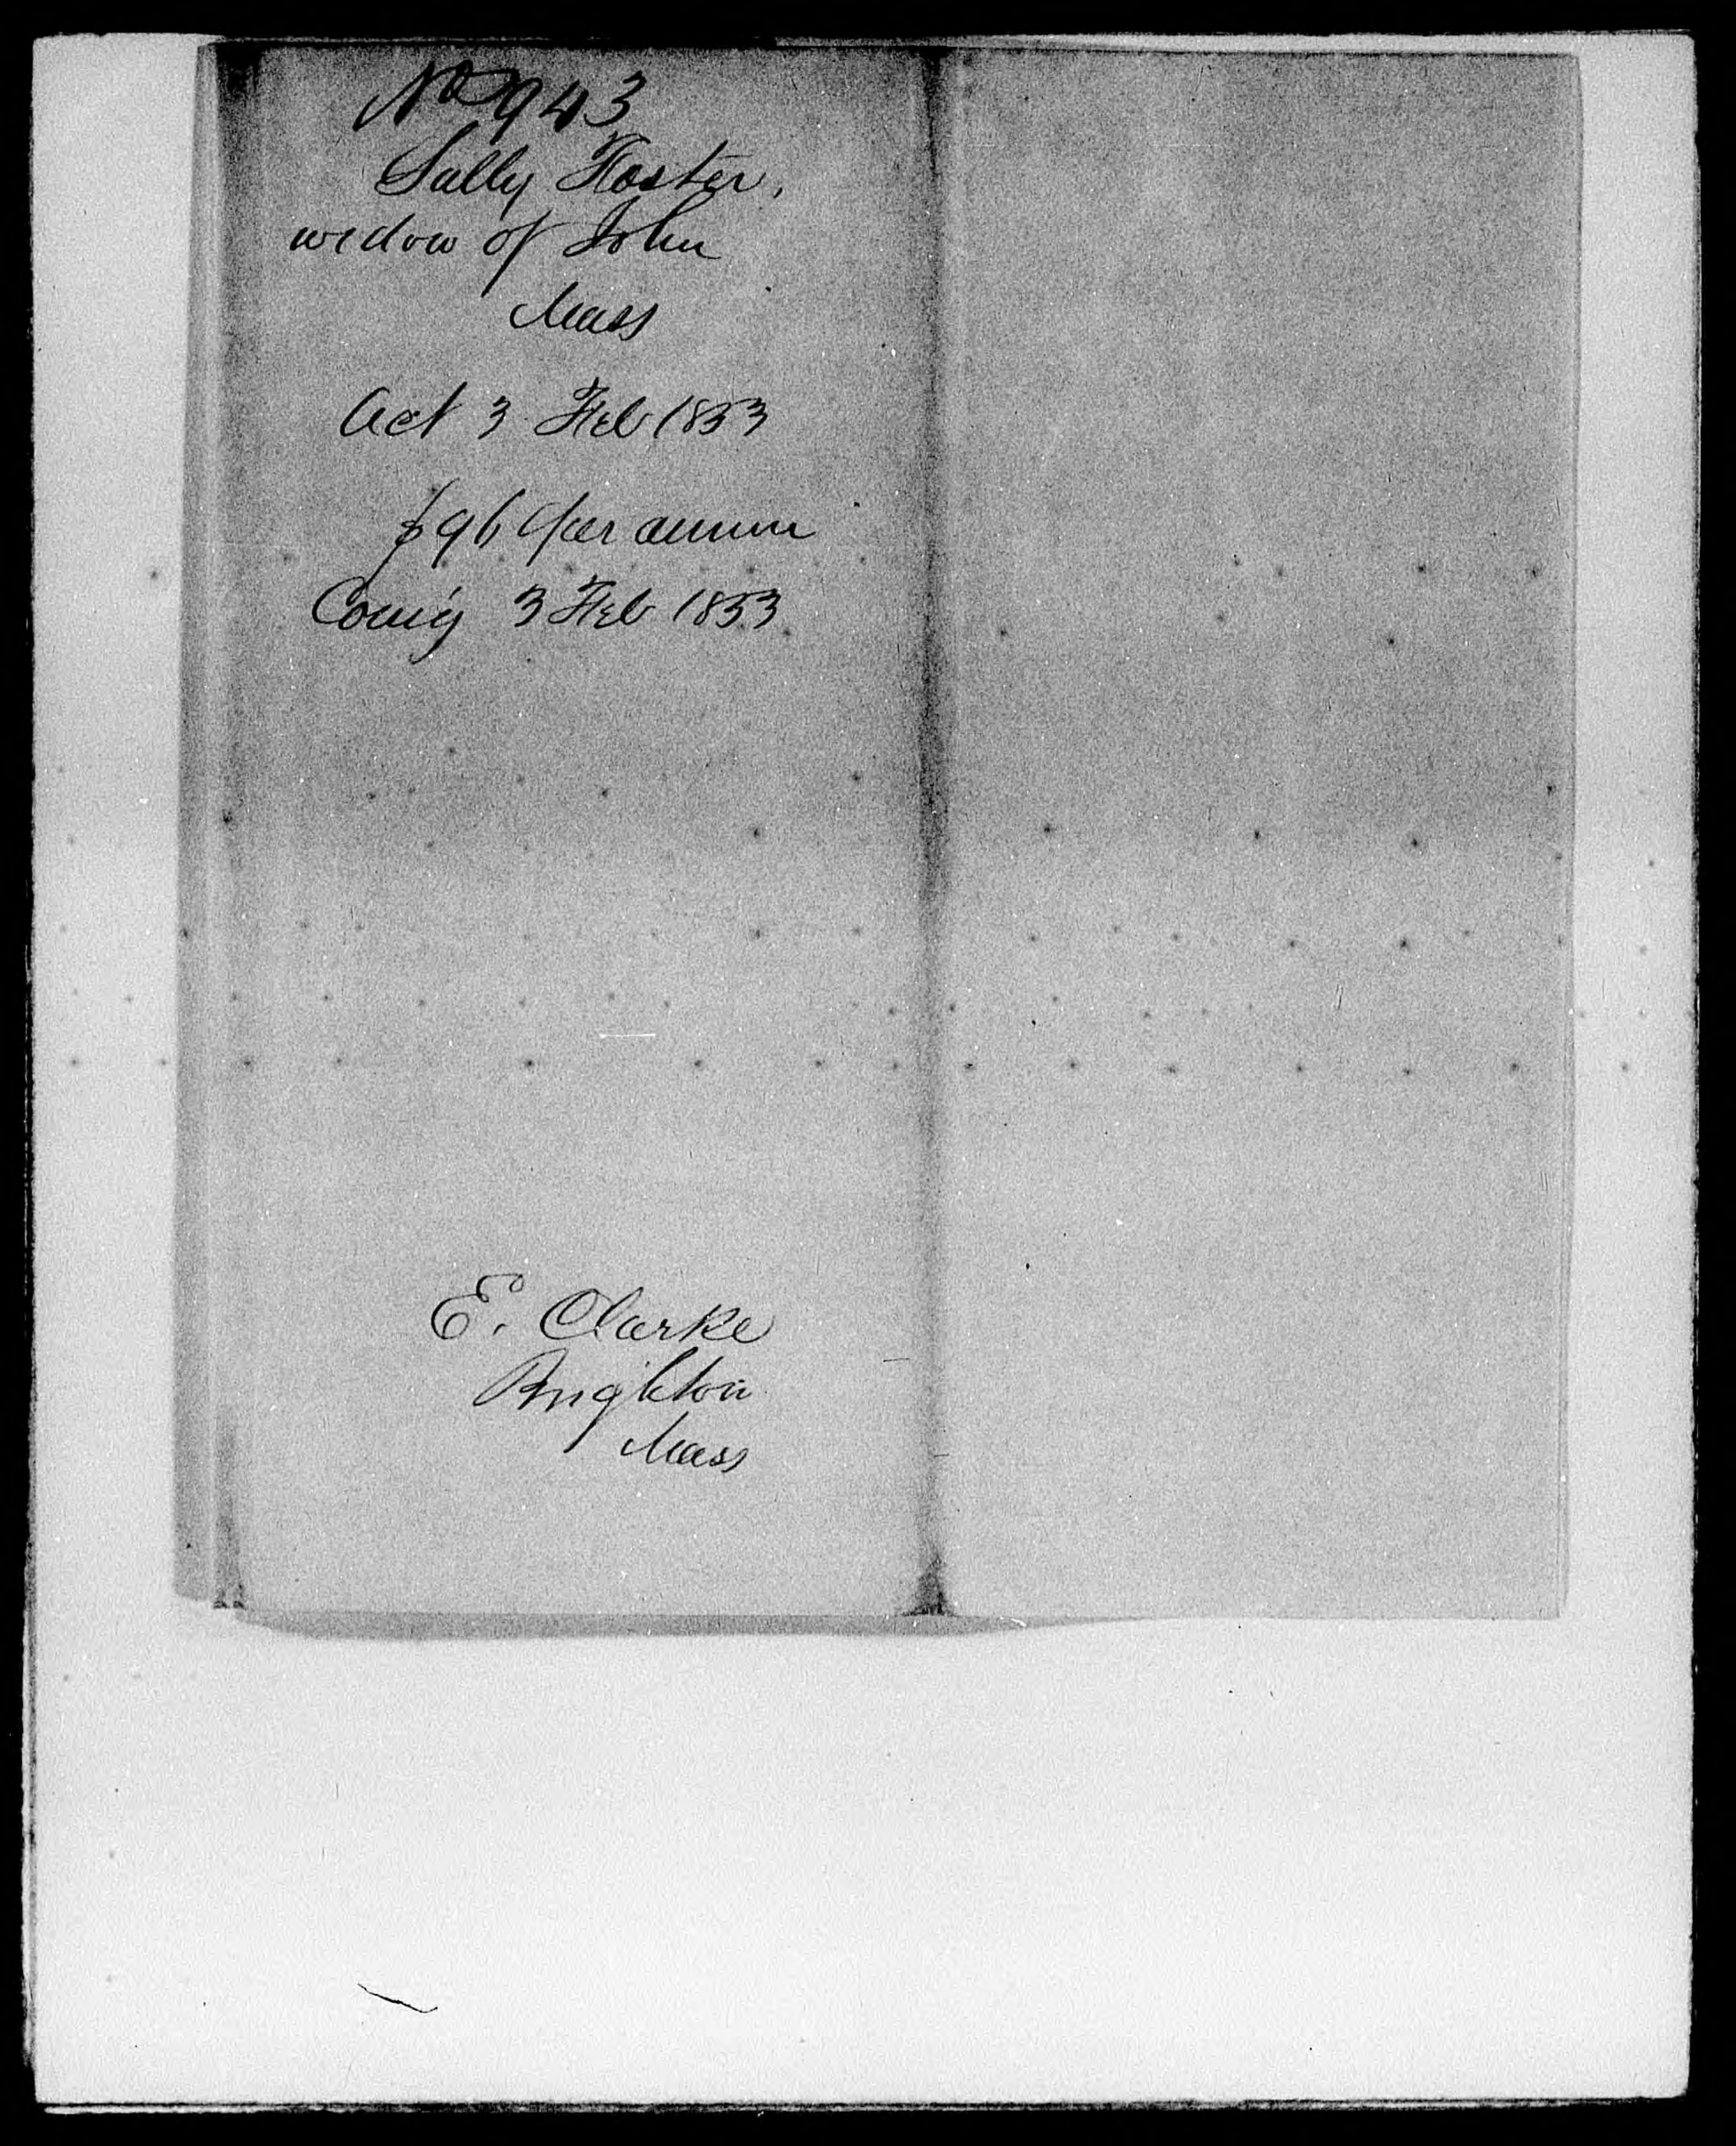Nos 943
Sally Foster
widow of John 
Massachusetts
Act 3 Feb 1833
$96 year annum
[illegible] 3 Feb 1833

E. Clarke
Brighton Massachusetts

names: Sally Foster, E Clarke, John Foster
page: 36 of 47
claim: widow's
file: W. 7,302, John Foster, Continental Mass. R.I.